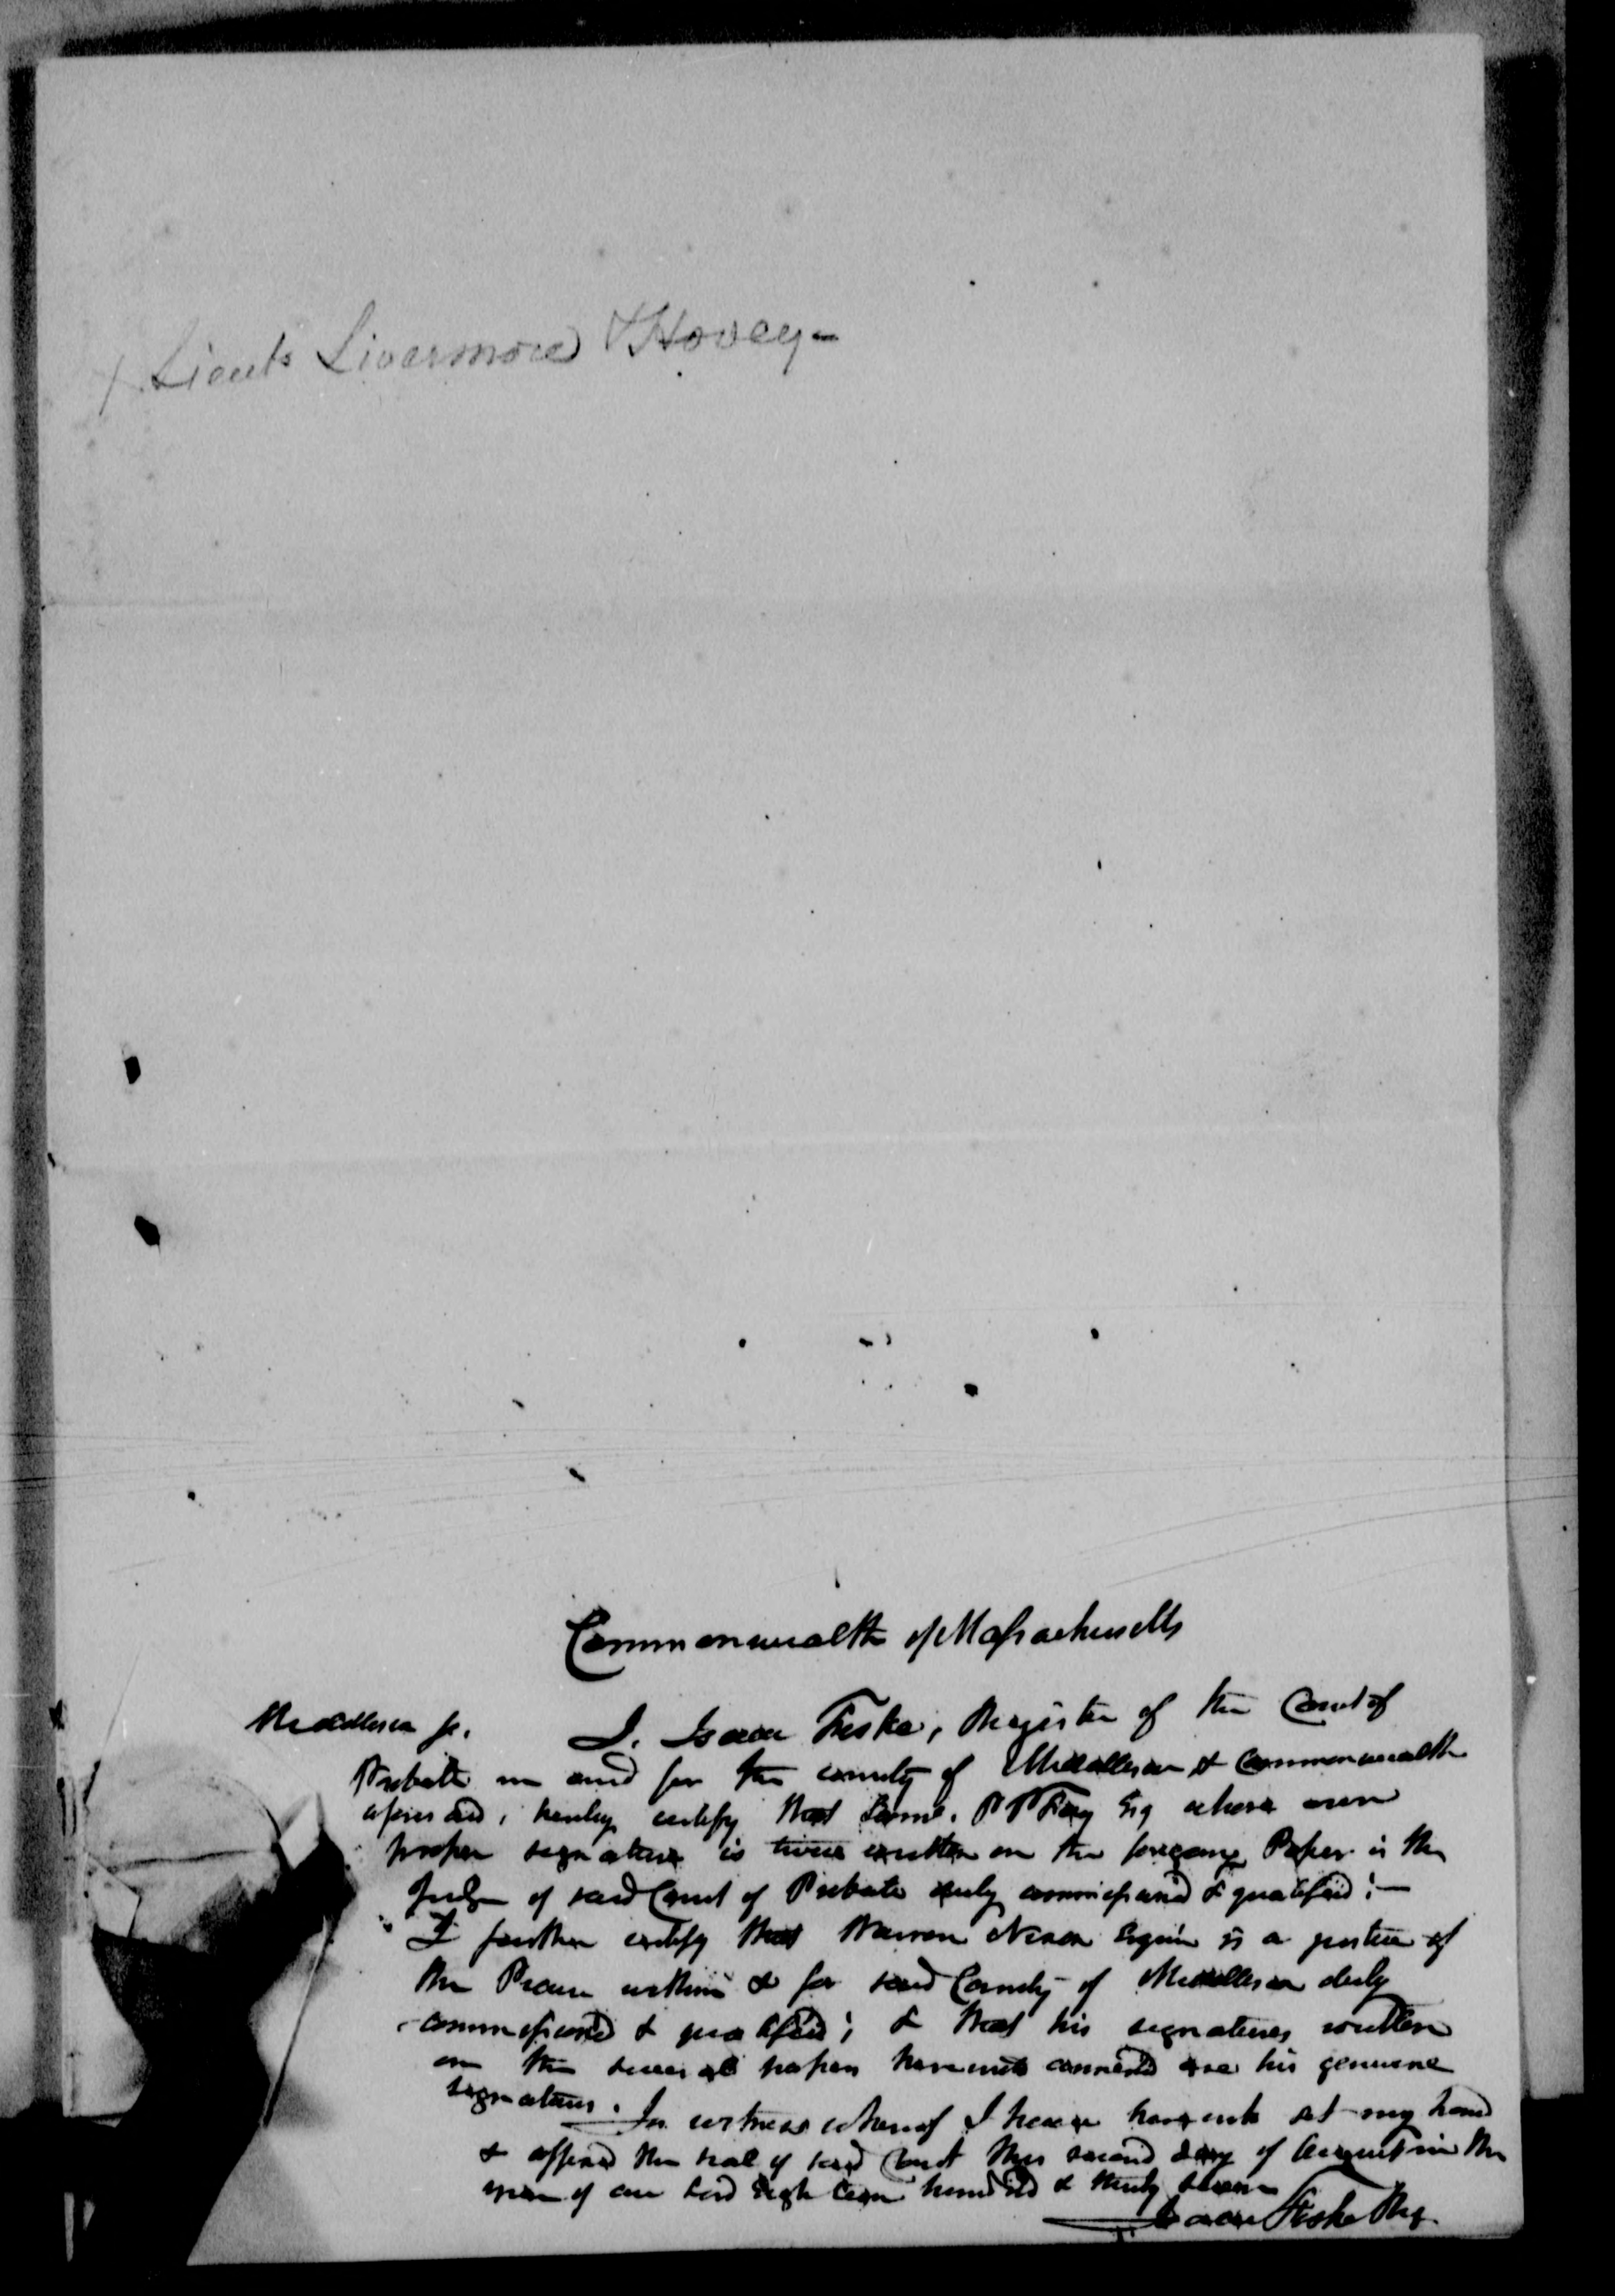Lieuts Livermore & Hovey -
Commonwealth of Massachusetts
Middlesex
I, Isaac Fiske, Register of the Court of 
Probate in and for the County of Middlesex & Commonwealth aforesaid, 
hereby certify that Sam P.P. Pay Sig saying whereon
proper signature is the twice written in the foregoing paper is the
Judge of said Court of Probate duly commissioned & qualified
I further certify that Warren Nixon Esquire is a Justice of
the Peace within & for said County of Middlesex duly
commissioned & qualified & that his signatures written in
the several paper hereunto annexed are his genuine
signature. In witness whereof I have hereunto set my hand
& affixed the seal of said Court this second day of August in the year of our Lord 
eighteen hundred & thirty seven.
Isaac Fiske Reg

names: Warren Nixon, Isaac Fiske, Saml P P Fay, Isaac Fiske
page: 7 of 34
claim: widow's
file: W. 15439, John Trowbridge, Mass.